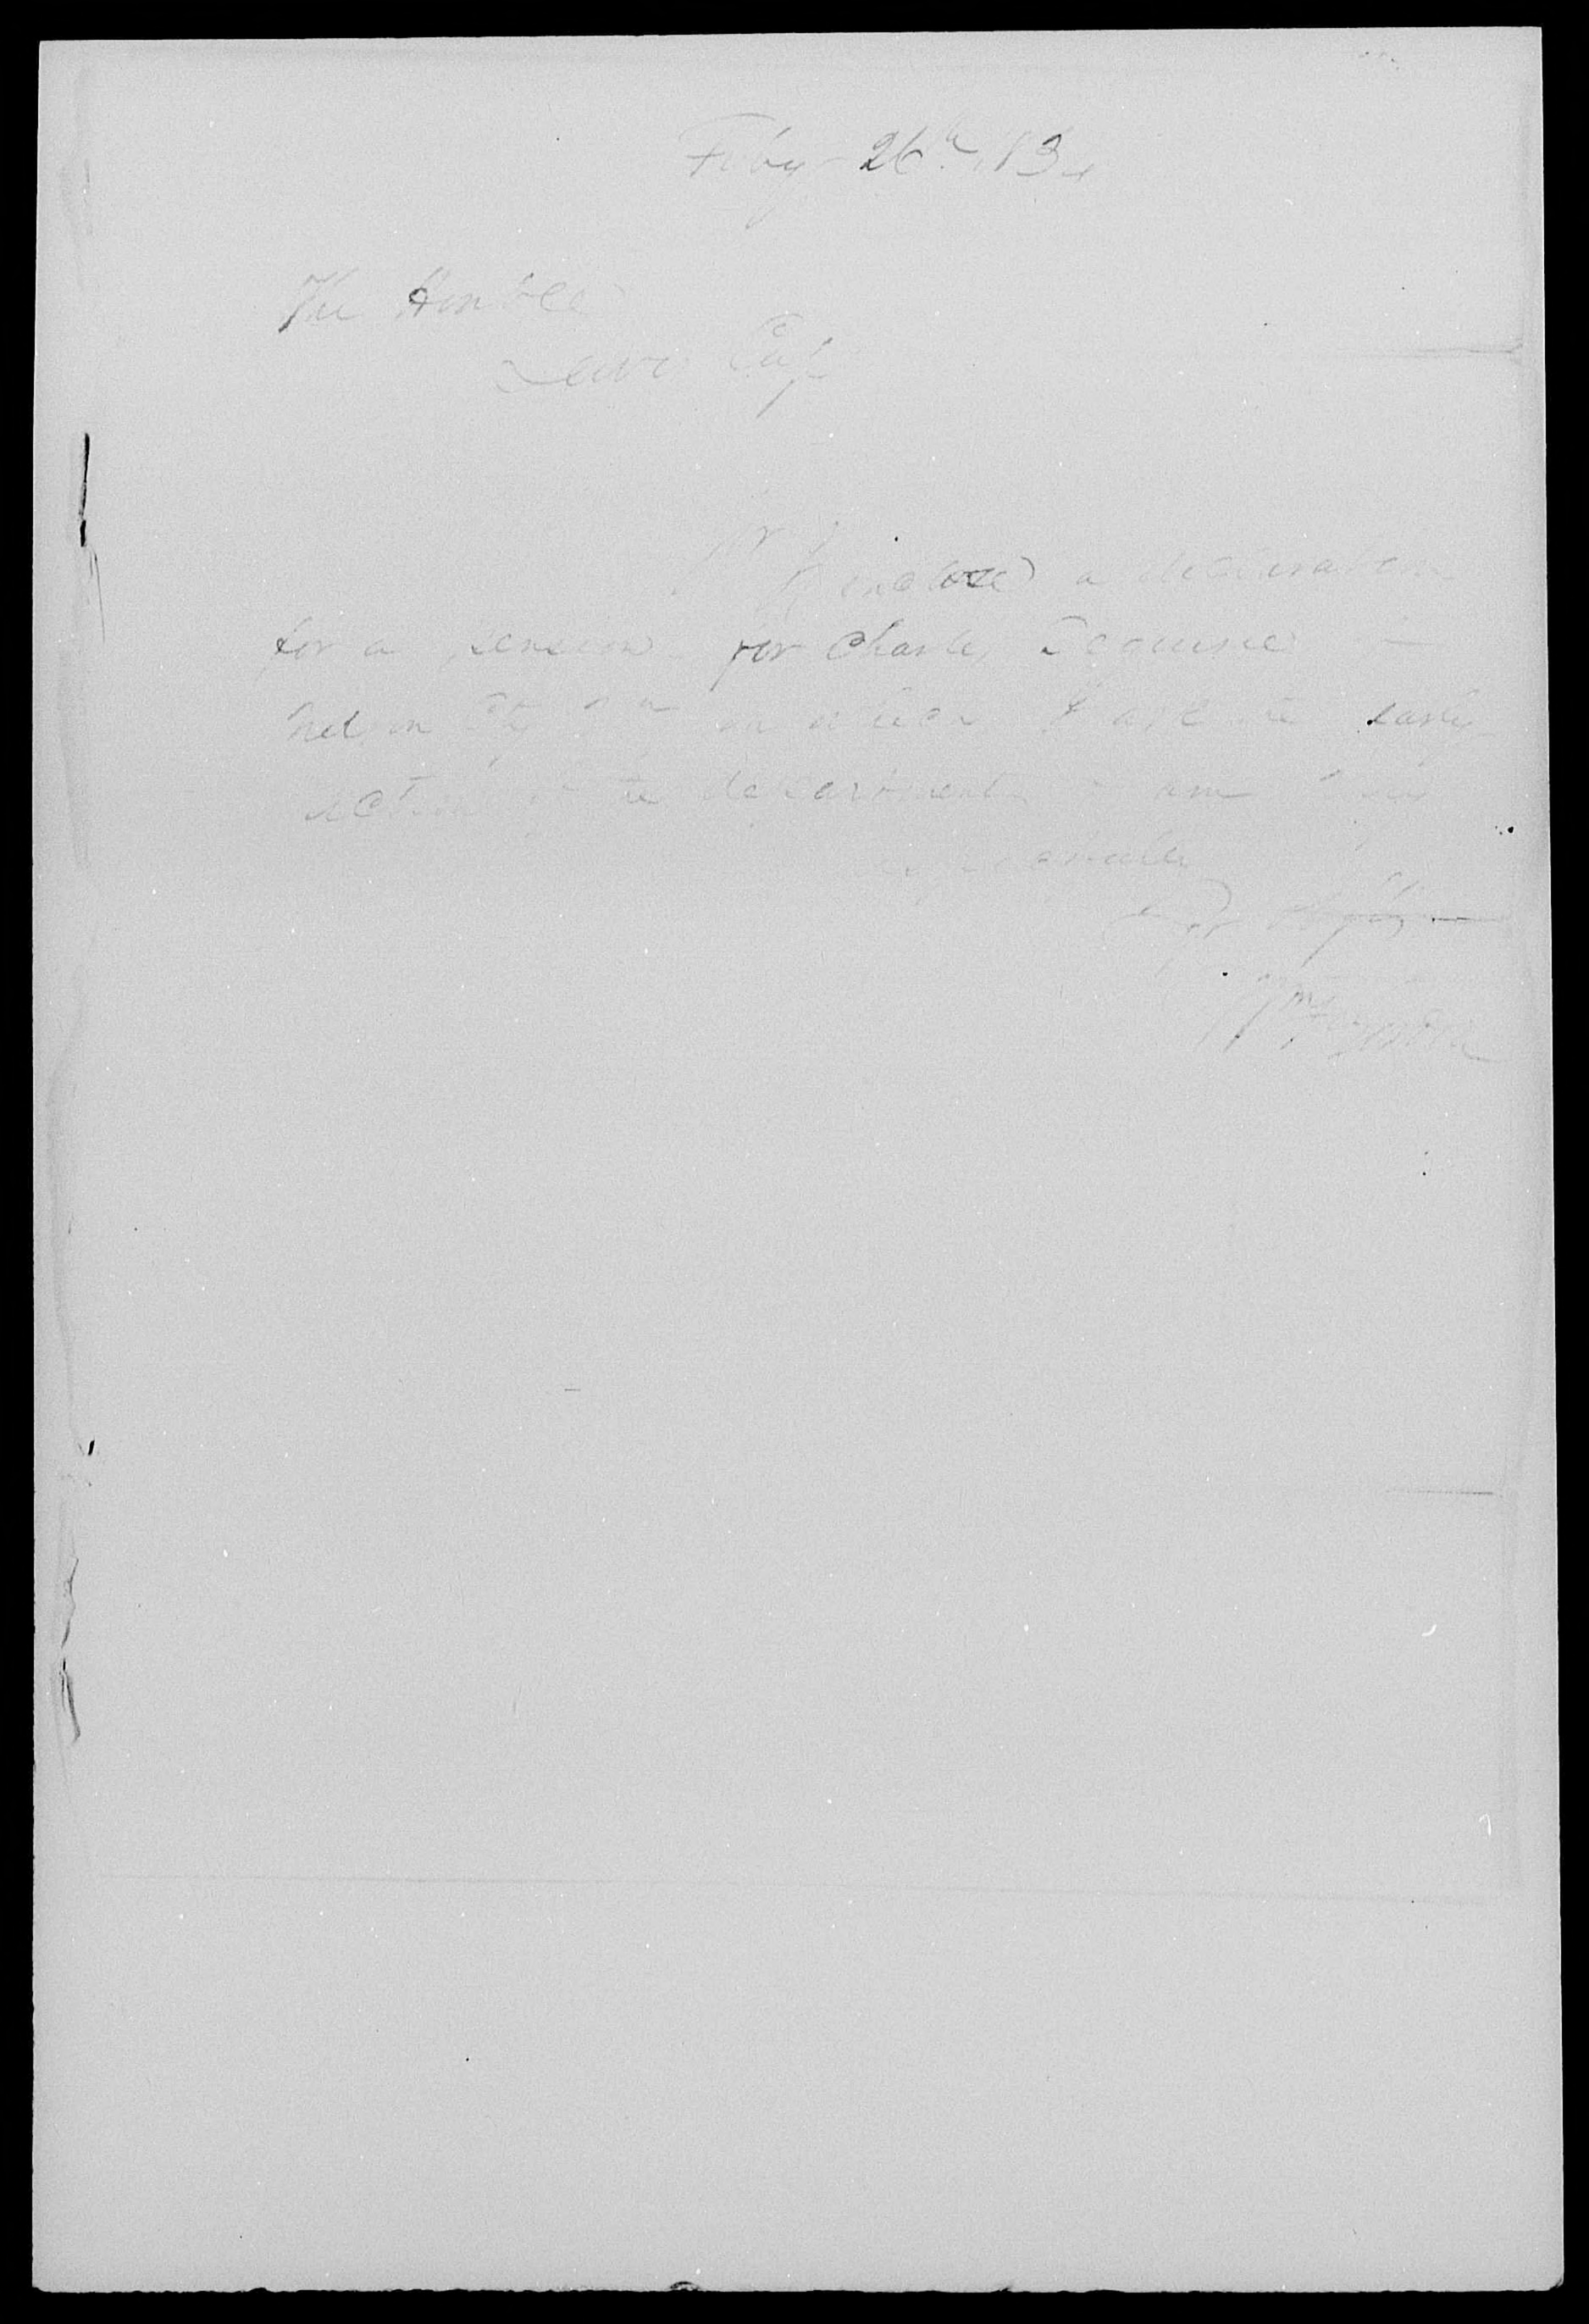(very faint document)

The Honorable Lewis Cass

I enclose a declaration for a pension for Charles Dequisie of Nelson Cty, on which I ask early action by the department.

I am respectfully

Wm Gordon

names: Wm Green, Charles Dequise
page: 13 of 21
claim: rejected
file: R. 2,896, Charles Duzua, French